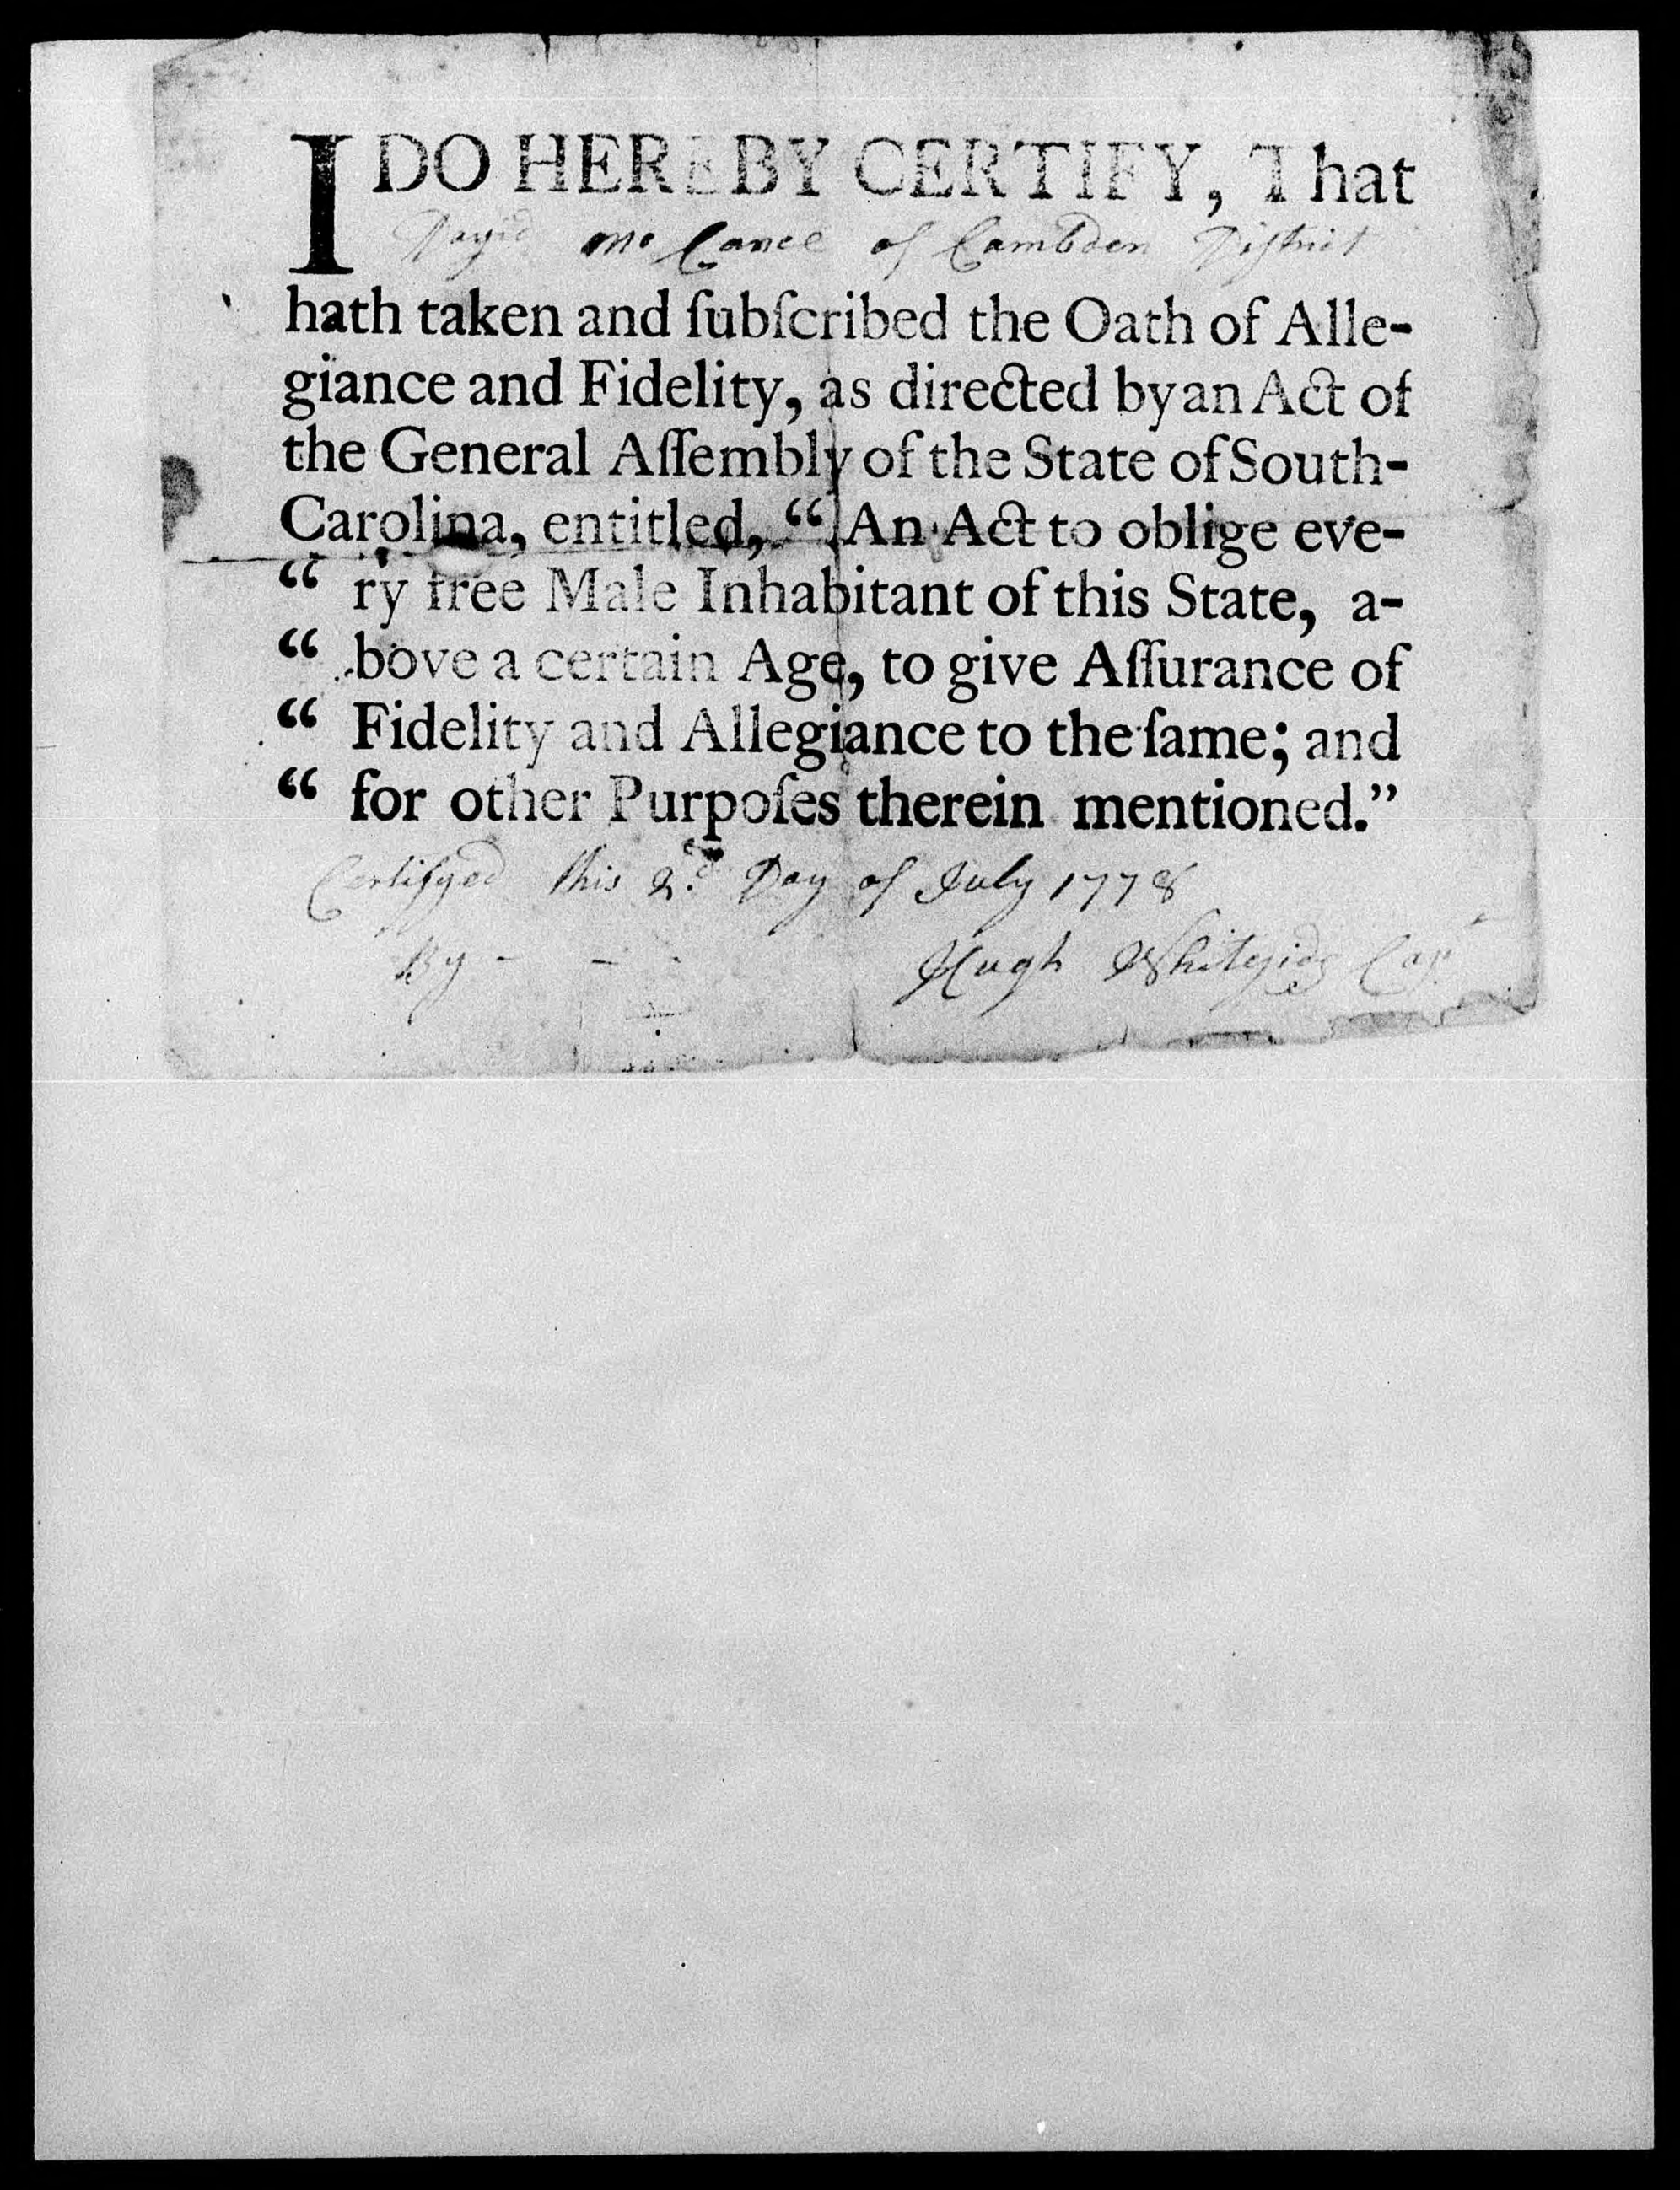I DO HEREBY CERTIFY, That
David McCance of Camden District
hath taken and subscribed the Oath of Allegiance
and Fidelity, as directed by an Act of
the General Assembly of the State of South-
Carolina, entitled, "An Act to oblige every
" free male inhabitant of this State, 
" above a certain Age, to give assurance of
" Fidelity and Allegiance to the same; and
" for other Purposes therein mentioned."
Certifyed this 2d day of July 1778
By -  -  Hugh Whiteside Capt.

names: Hugh Whiteside; David Mc Cance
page: 12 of 13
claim: survivor's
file: S. 16464, for David Mc Cance, South Carolina